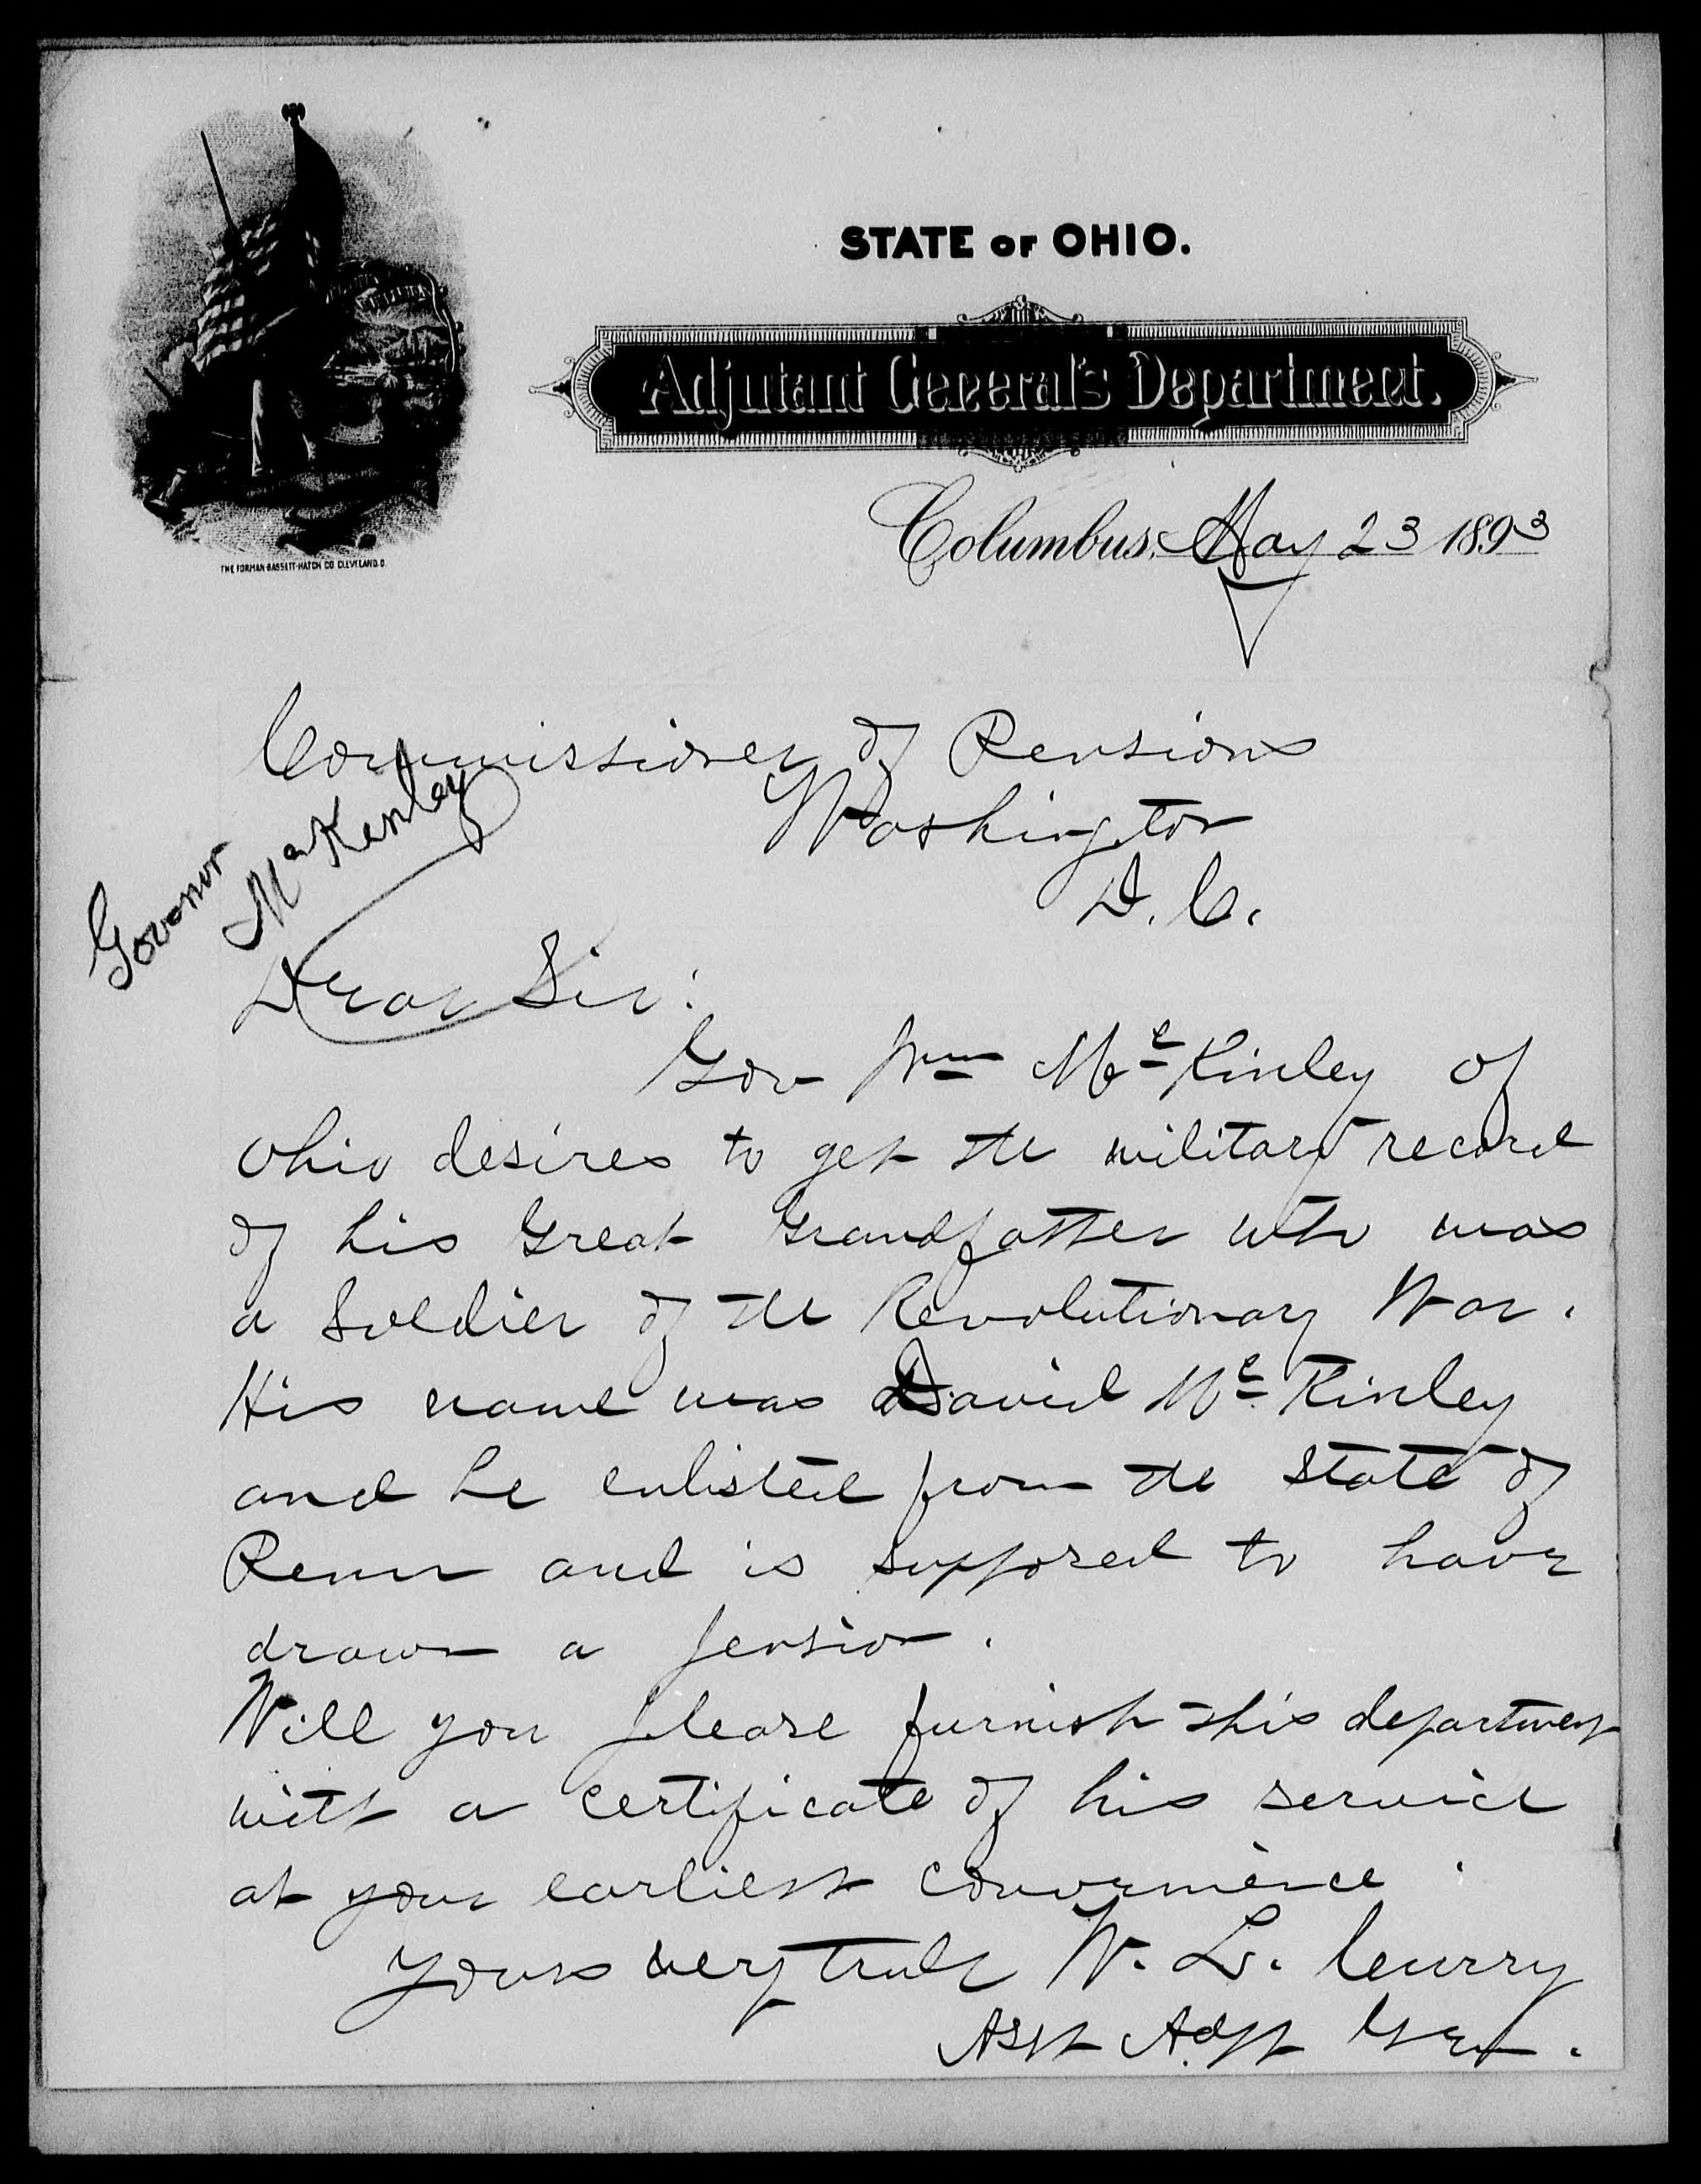[letterhead]
STATE OF OHIO.
Adjutant General's Department.
Columbus May 23 1893

Commissioner of Pensions
Washington
D.C.
[marginal note] Governor McKinley

Dear Sir:

Gov Wm McKinley of
Ohio desires to get the military record
of his Great Grandfather who was
a soldier of the Revolutionary War.
His name was David McKinley
and he enlisted from the State of
Penn and is supposed to have
drawn a pension.

Will you please furnish this department
with a certificate of his service
at your earliest convenience.

Yours very truly W. L. Curry
Asst Adj Gen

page: 30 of 39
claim: survivor's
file: S. 2812, for David Mc Kinley, Pennsylvania